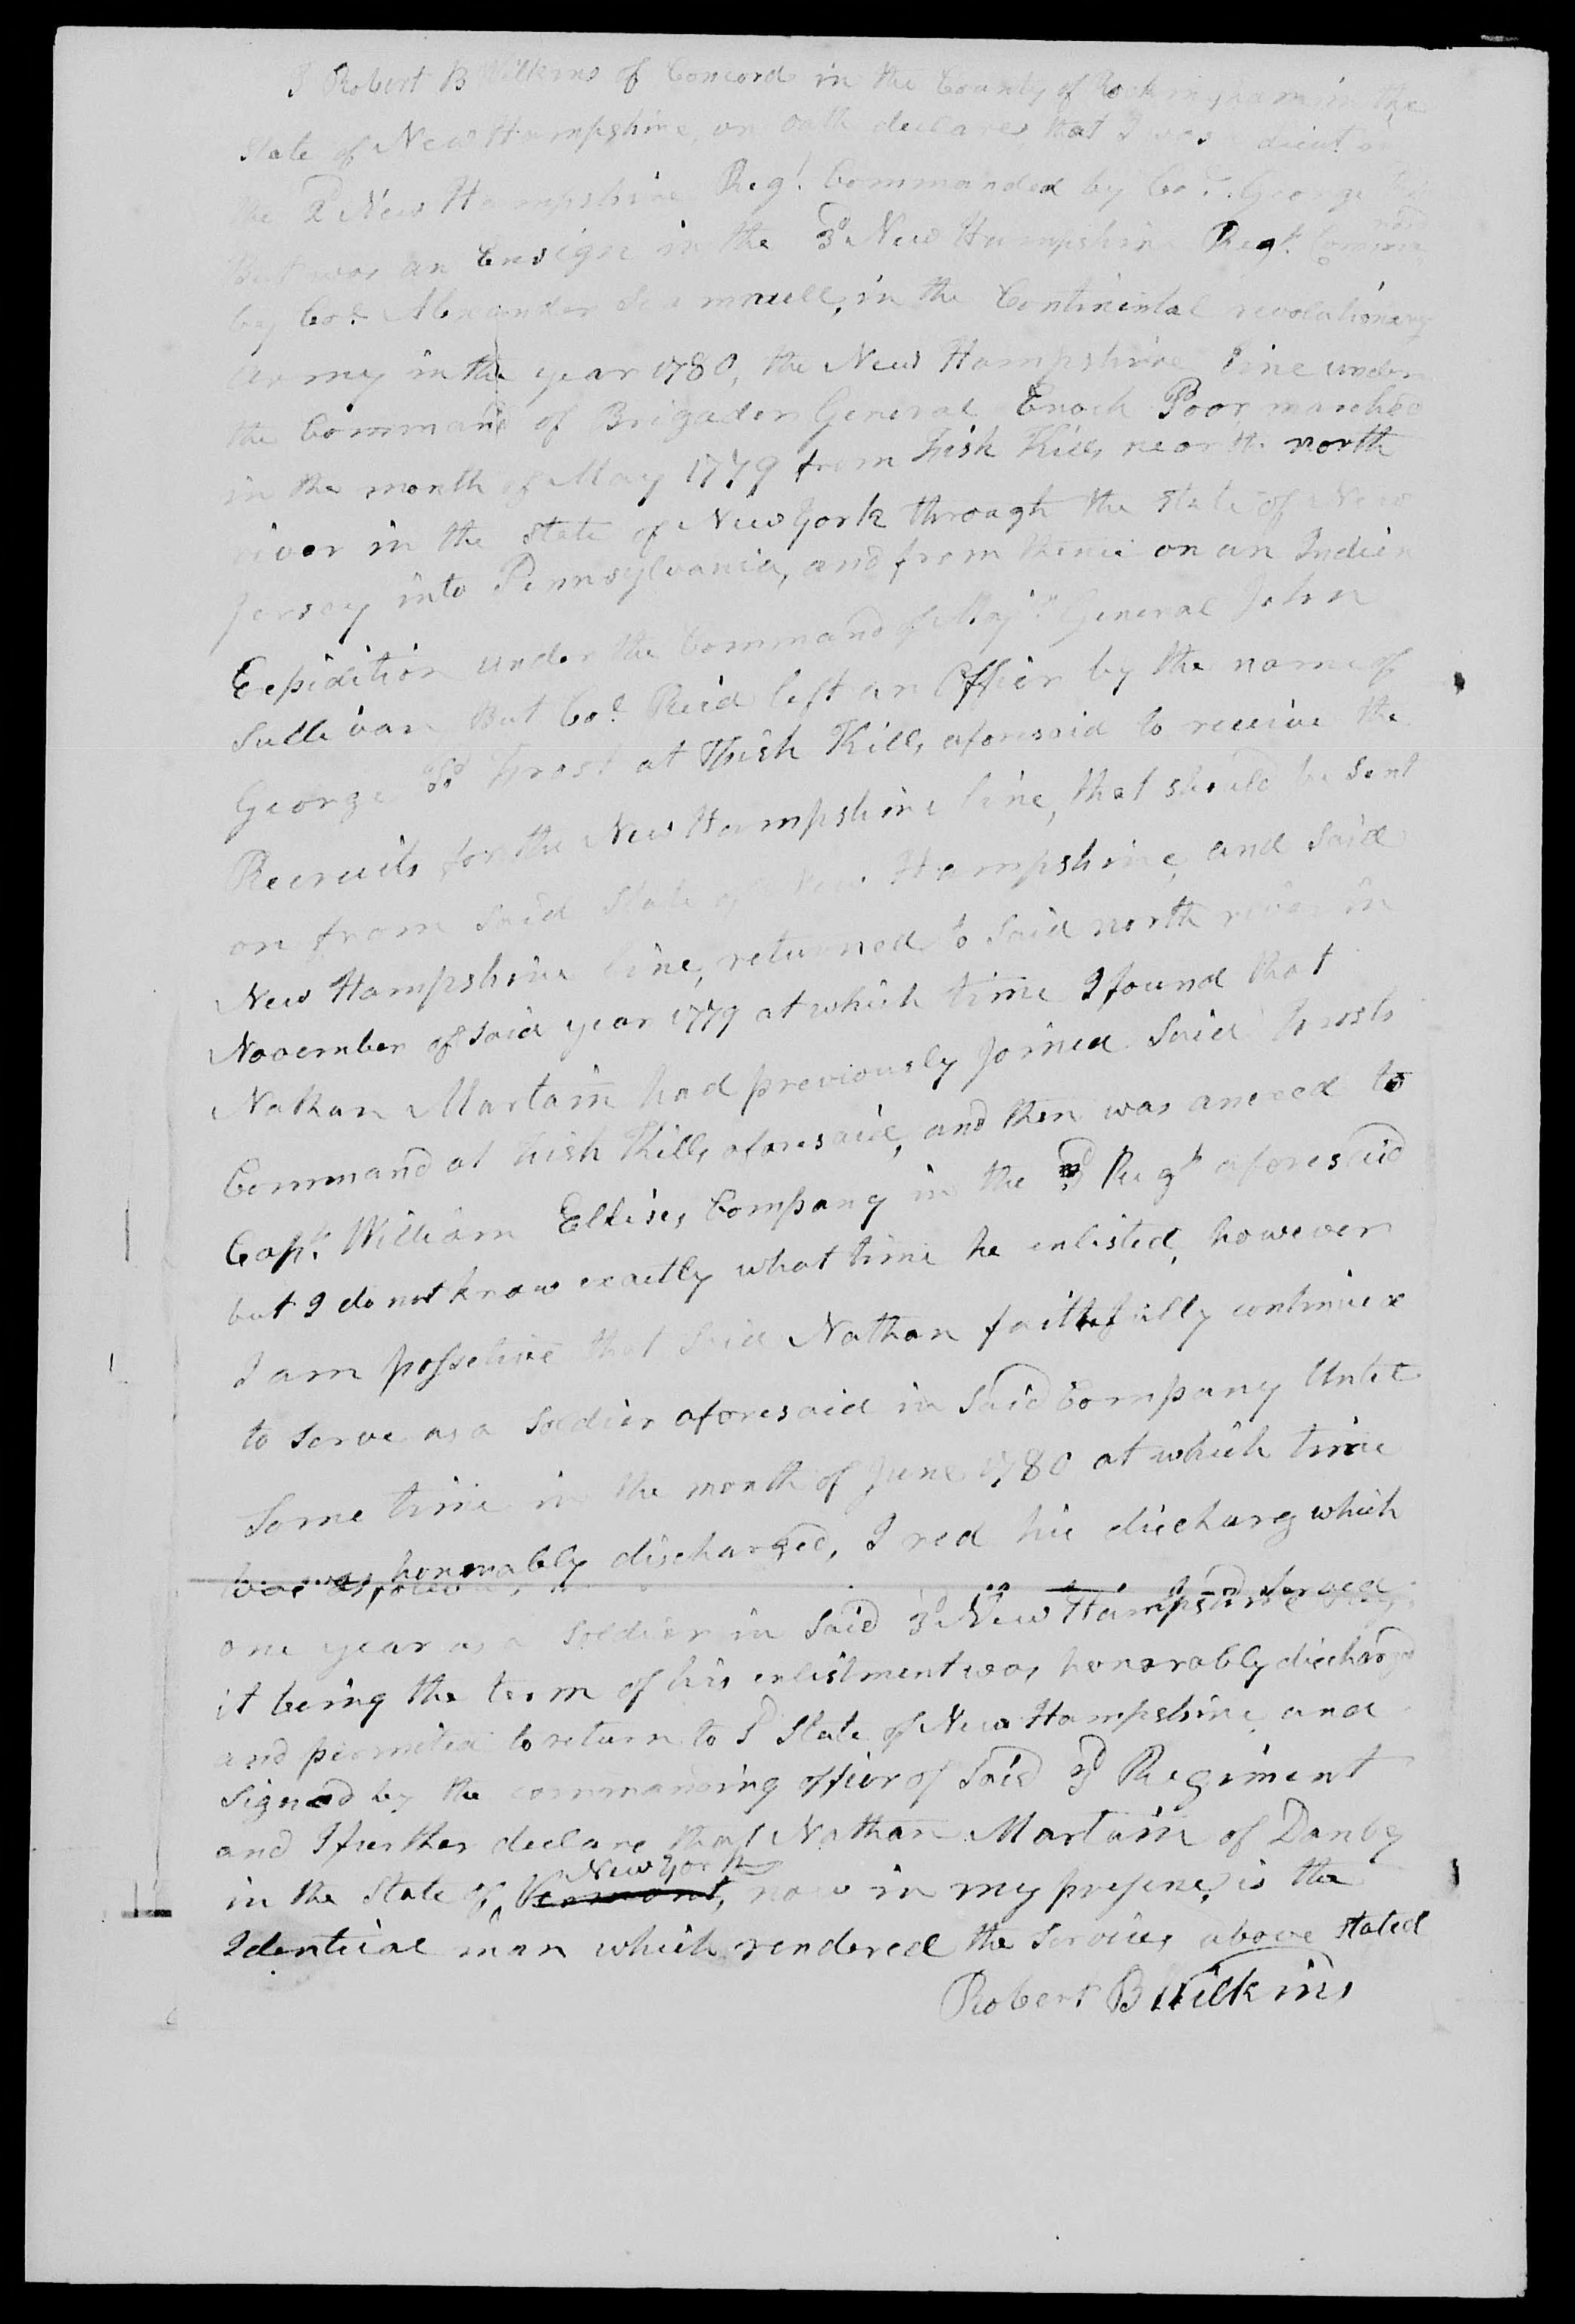I Robert B. Wilkens of Concord in the County of Rockingham in the
State of New Hampshire, on oath declare that I was [illegible]
the New Hampshire Reg. commanded by Col George
was an Ensign in the 3d New Hampshire Regt Comm
by Col Alexander Scammell, in the Continental revolutionary
army in the year 1780, the New Hampshire line under the
command of Brigader General Enoch Poor marched
in the month of May 1779 from Fish Kill near the North
River in the State of New York through the State of
Jersey into Pennsylvania, and from thence on an Indian
expedition under the command of General John
Sullivan But Col Reid left an officer by the name of
George [illegible
of prost at Fish Kill aforesaid to receive the
Recruits for the New Hampshire line that shall be six
on from said State of
Hampshire and said
New Hampshire line returned to said north
November of said year 1777 at which time I found that
Nathan Martain had previously joined said
Command at hish thill aforesaid and then was and to
[illegible]
but I do not know exactly what time he enlisted however
I am positive that said Nathan faithfully called
to serve as a soldier aforesaid in said Company until
Some time in the month of June 1780 at which time
are honorably discharged, [illegible] his discharge which
one year as a Soldier in said New Hampshire
it being the term of his enlistment was honorably discharged
and permitted to return to sd State of New Hampshire and
signed by the commanding officer of said 3d Regiment
and I further declare that Nathan Martin of Danby
in the State of Vermont now in my presence, is the
Identical man which rendered the services above stated
[illegible] Robert B Wilkins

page: 29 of 30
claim: widow's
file: W. 23,904, for Nathan Martin, New Hampshire